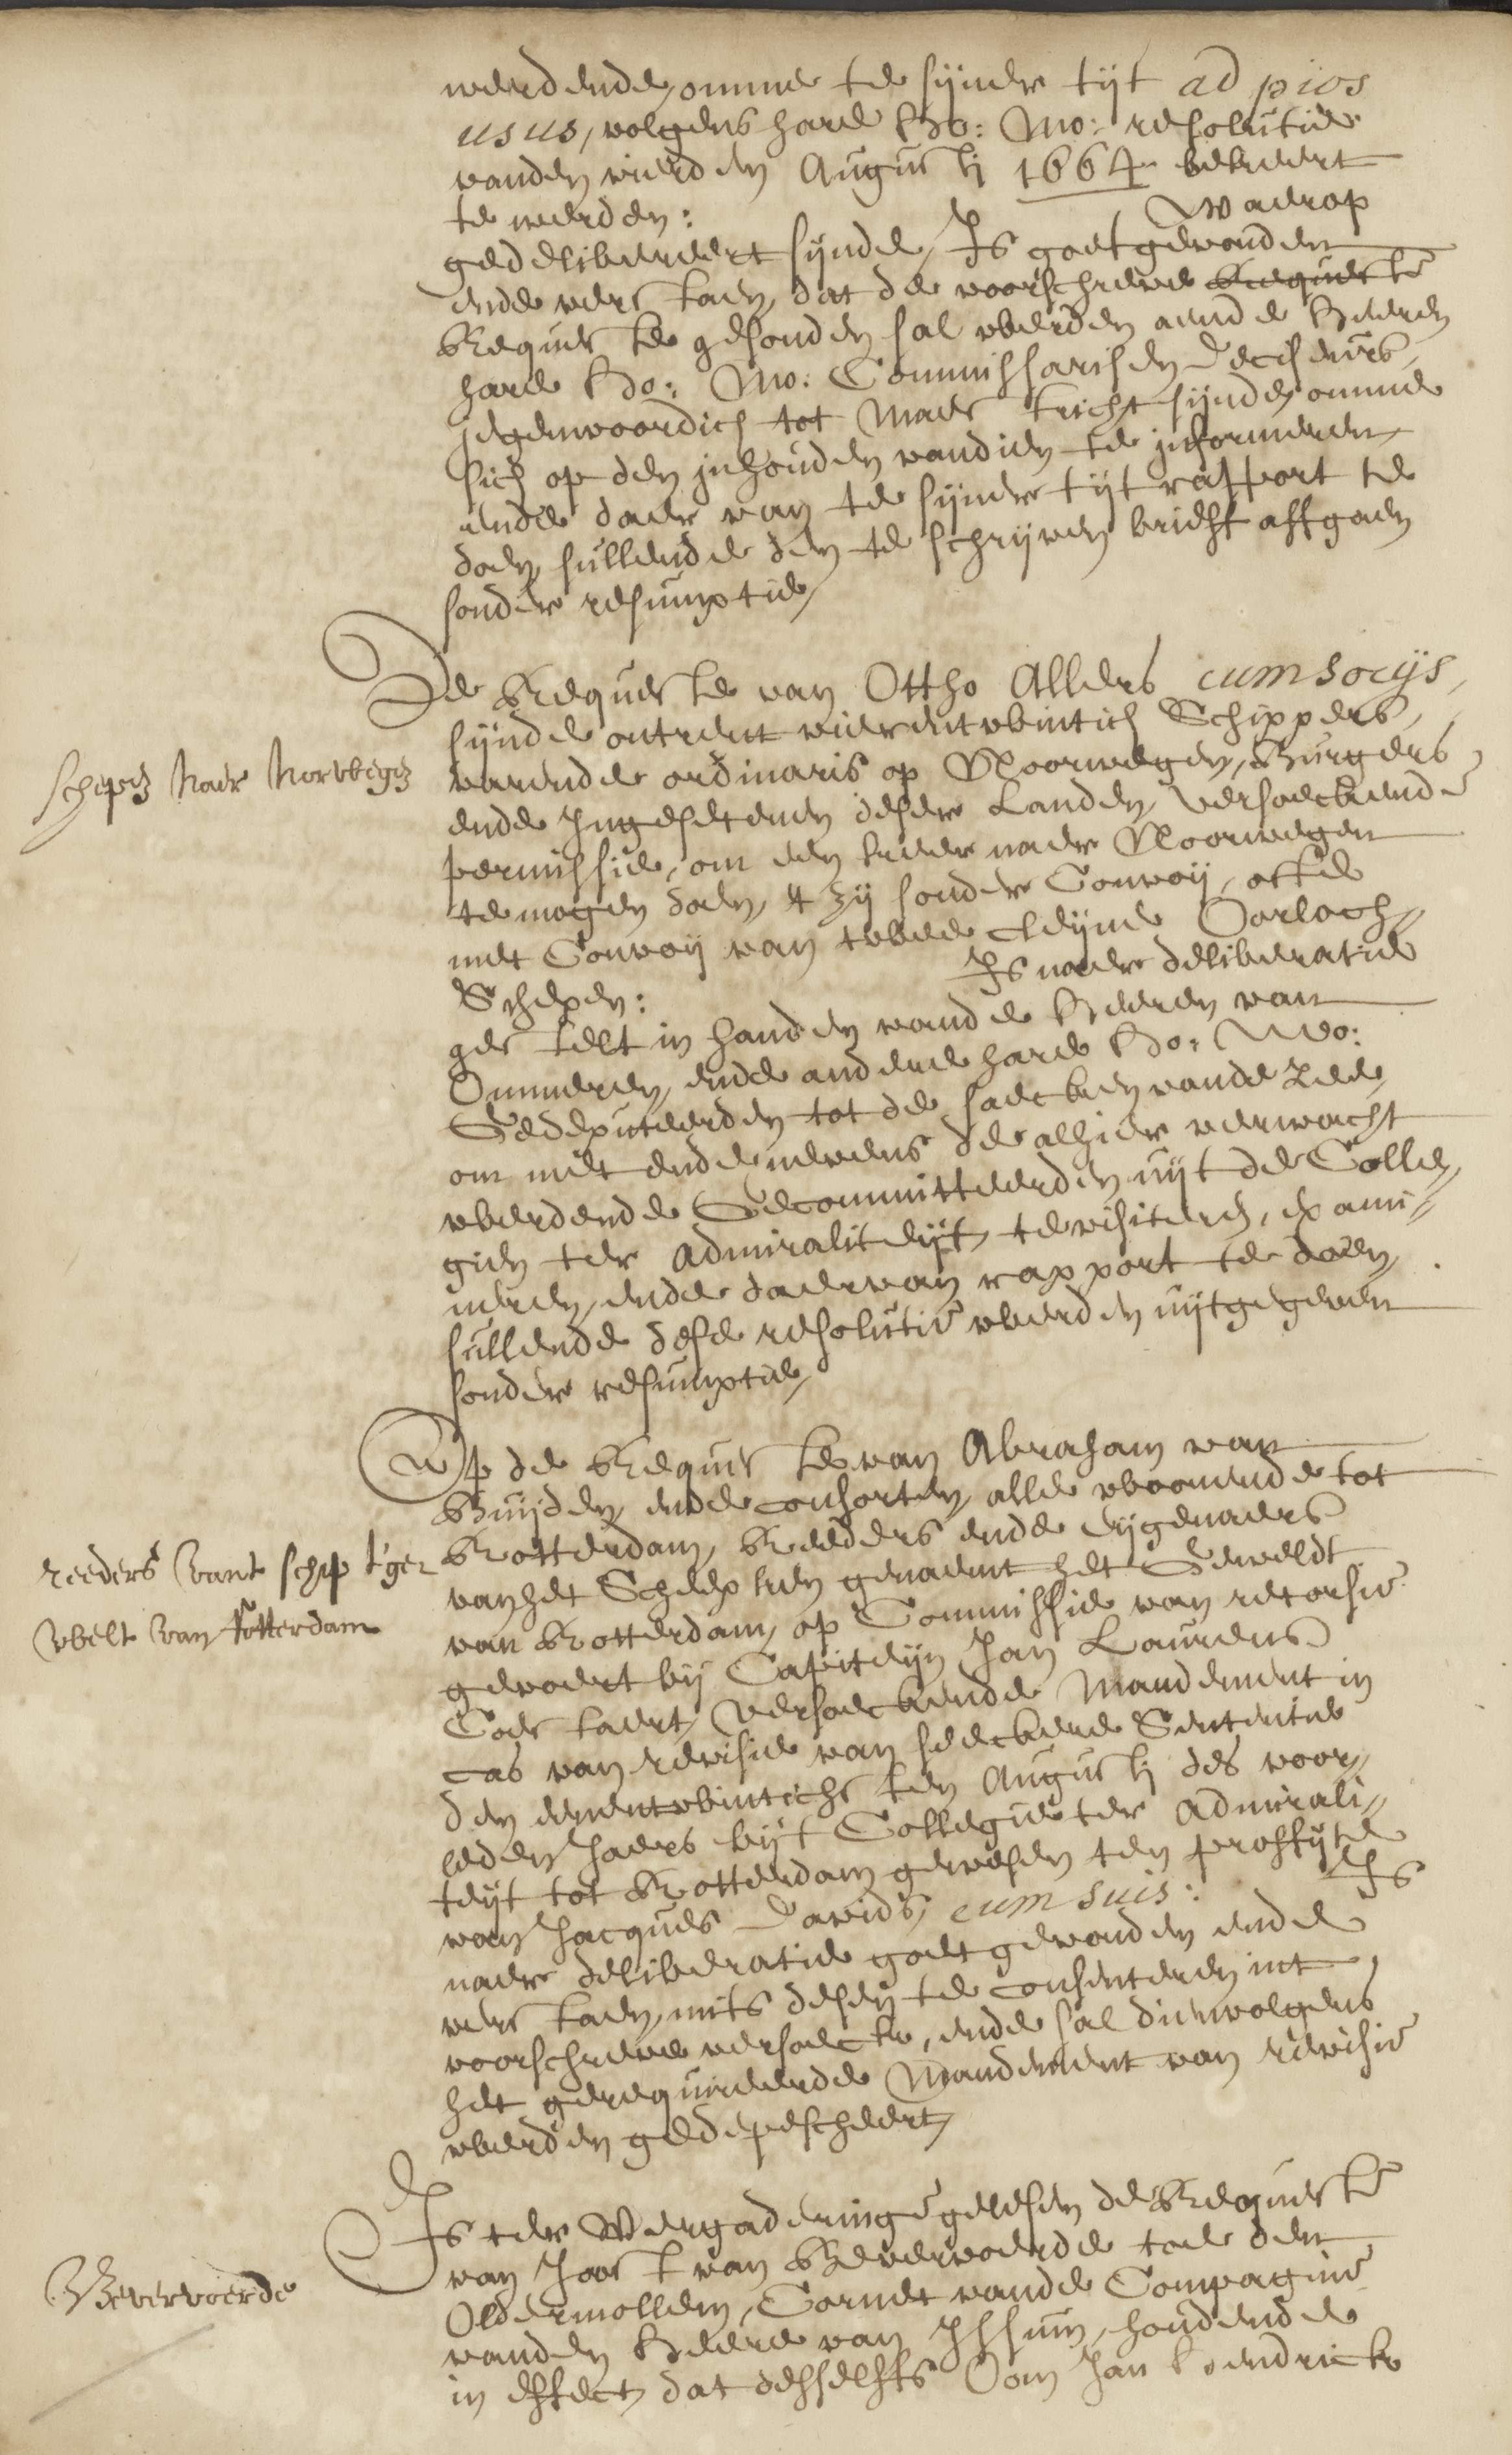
werdende, omme te sijnder tijt ad pios
usus, volgens hare Ho:Mo: resolutie
vanden vierden Augusti 1664 bekeert
te werden: Waerop
gedelibereert sijnde, Is goetgevonden
ende verstaen, dat de voorschreve Requeste
Requeste gehouden sal werden aende Heeren
hare Ho:Mo: Commissarisen Deciseurs,
jegenwoordich tot Maestricht sijnde, omme
sich op den inhouden vandien te informeren,
ende daer van te sijner tijt rapport te
doen, sullende den te schrijven brieff affgaen
sonder resumptie.
schepen naer Norwegen
De Requeste van Ottho Allers cum socijs,
sijnde ontrent vierentwintich Schippers,
varende ordinaris op Noorwegen, Burgers
ende Ingesetenen deser Landen, versoeckende
permissie, om een keer naer Noorwegen
te mogen doen ‛t zij sonder Convoij, ofte
met Convoij van twee cleijne Oorloch„
Schepen: Is naer deliberatie
gestelt in handen vande Heeren van
Ommeren, ende andere hare Ho:Mo:
Gedeputeerden tot de saecken vande zee,
om met ende nevens de alhier verwacht
werdende Gecommitteerden uijt de Colle„
gien ter Admiraliteijt, te visiteren, exami„
neren, ende daervan rapport te doen,
sullende dese resolutie werden uijtgegeven
sonder resumptie.
reeders vant schip t‛ ge„
welt van Rotterdam
Op de Requeste van Abraham van
Buijden, ende consorten, alle woonende tot
Rotterdam, Reeders ende Eijgenaers
vanhet Scheepken genaemt het Geweldt
van Rotterdam, op Commissie van retorsie
gevoert bij Capiteijn Jan Larens
Coestaert, versoeckende Mandement in
cas van revisie van seeckere Sententie
den eenentwintichsten Augusti des voor„
leden Jaers bij‛t Collegie ter Admirali„
teijt tot Rotterdam gewesen ten proffijte
van Jacques Davids, cum suis: Is
naer deliberatie goetgevonden ende
verstaen, mits desen te consenteren int
voorschreve versoeck, ende sal dienvolgens
het gerequireerde Mandement van revisie
werden gedepescheert.
Bevervoerde
Is ter Vergaderinge gelesen de Requeste
van Joost van Bevervoerde toe den
Oldermollem, Cornet vande Compagnie
vanden Heere van Issum, houdende
in effect, dat desselfs Om Jan Hendrick
